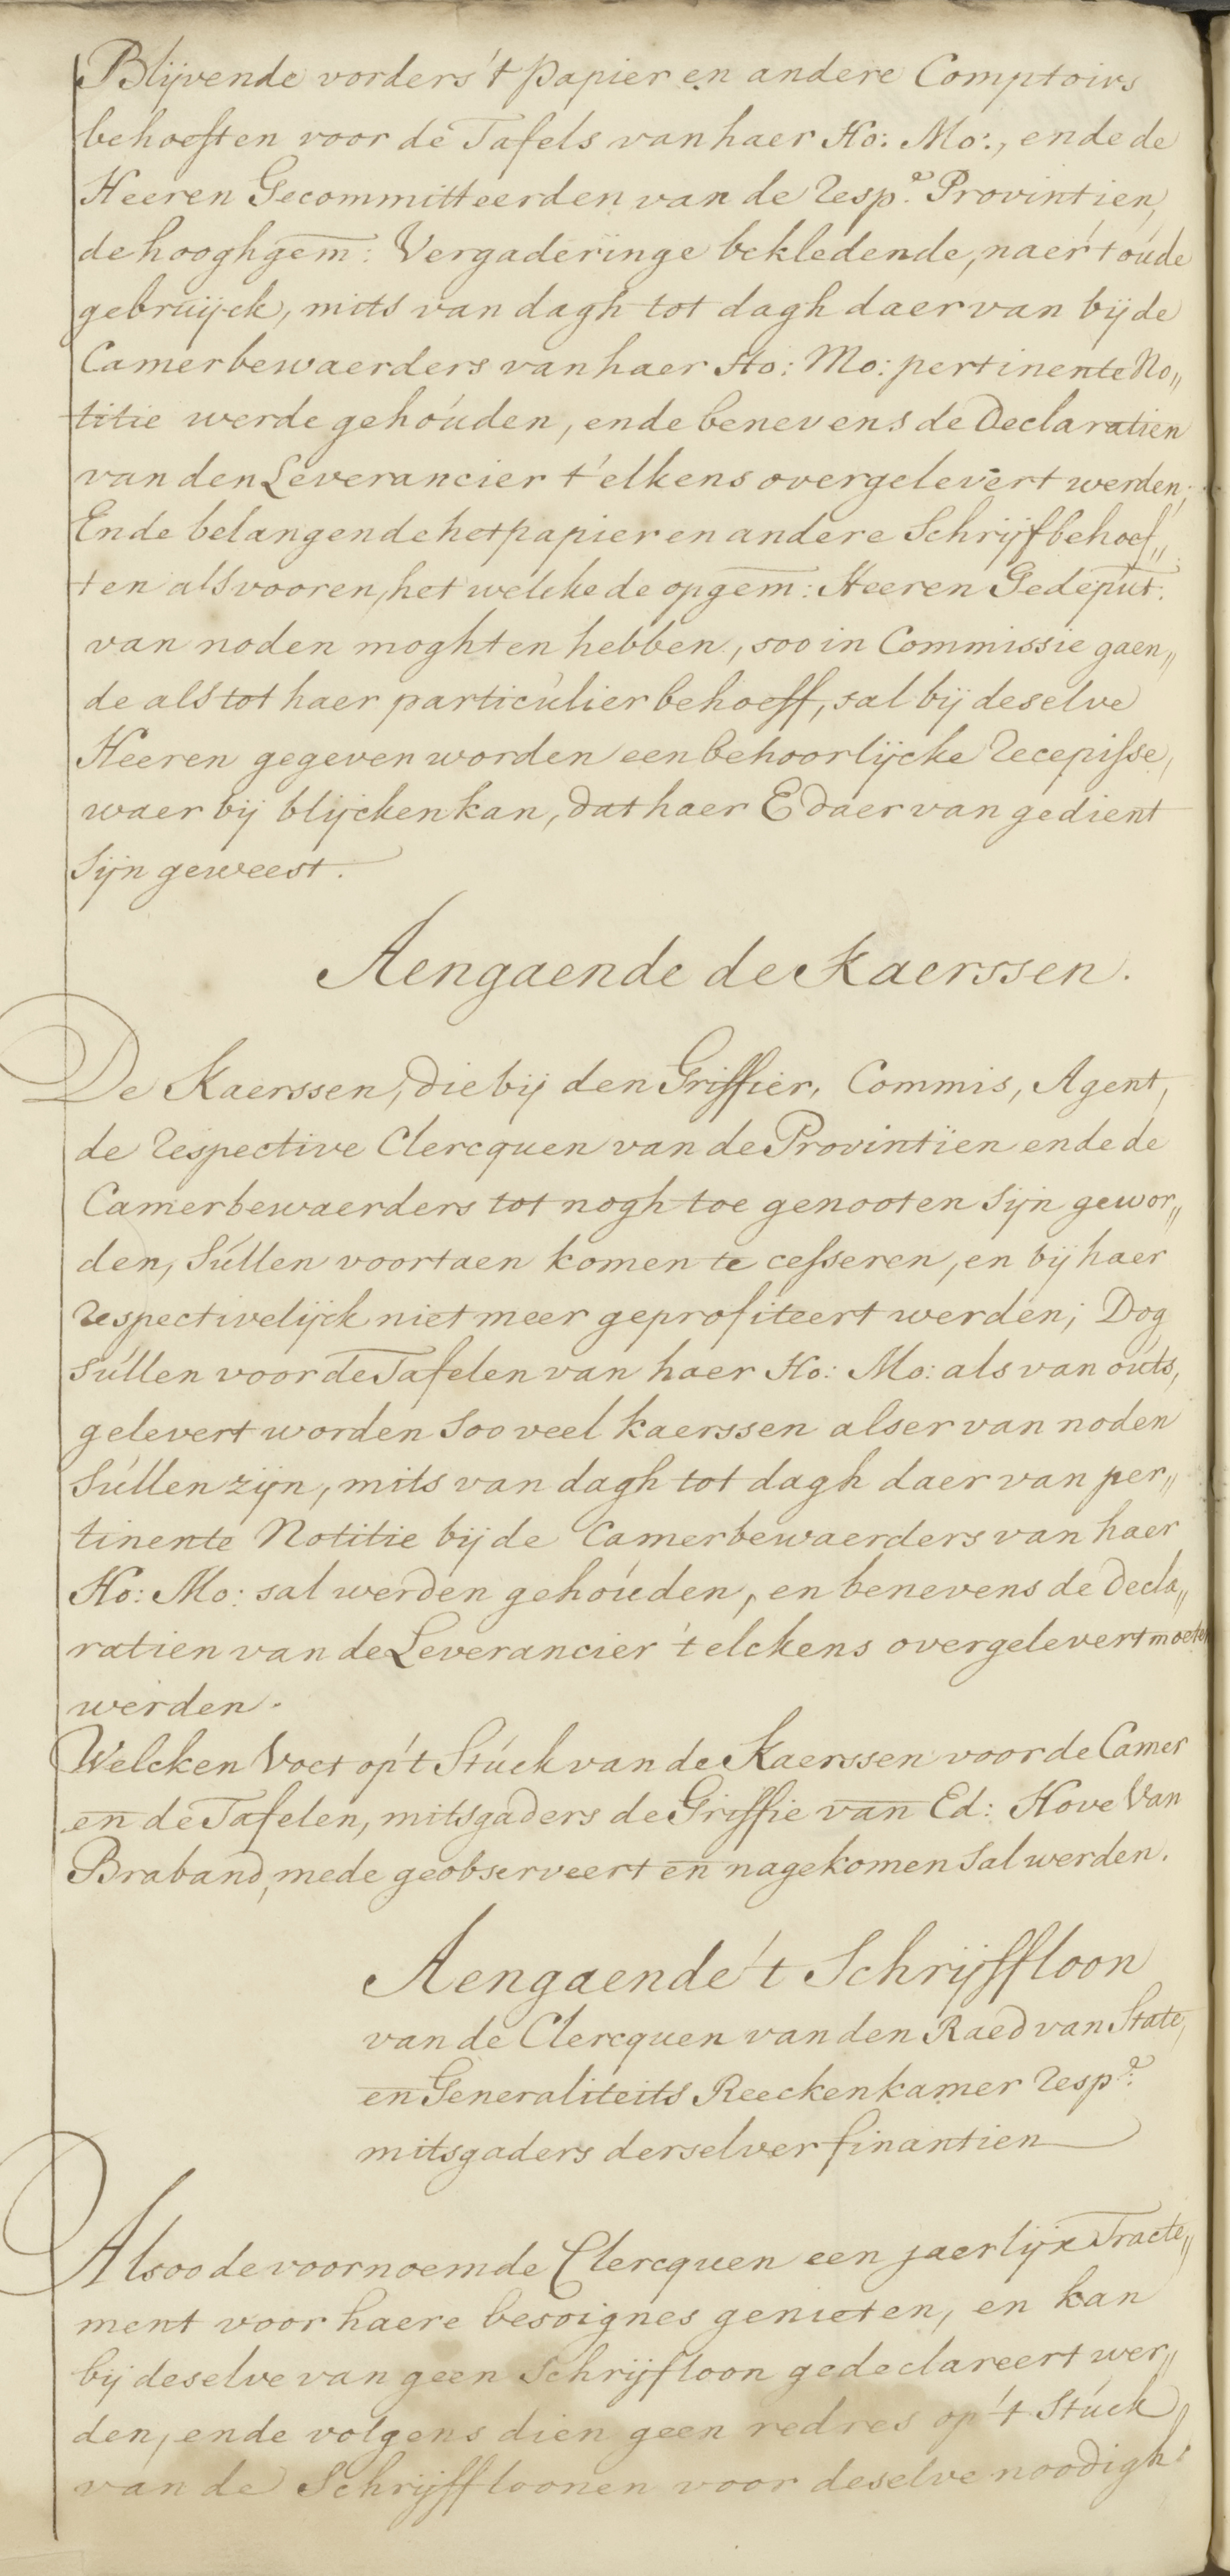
Blijvende vorders 't Papier en andere Comptoirs
behoeften voor de Tafels van haer Ho:Mo:, ende de
Heeren Gecommitteerden van de Respe. Provintien,
de hooghgem: Vergaderinge bekledende, naer t‛oude
gebruijck, mits van dagh tot dagh daer van bij de
Camerbewaerders van haer Ho:Mo: pertinente No„
titie werde gehouden, ende benevens de declaratien
van den Leverancier t'elkens overgelevert werden.
Ende belangende het papier en andere Schrijfbehoef„
ten alsvooren, het welcke de opgem: Heeren Gedeput.
van noden moghten hebben, soo in Commissie gaen„
de als tot haer particulier behoeff, sal bij deselve
Heeren gegeven worden een behoorlijcke recepisse,
waer bij blijcken kan, dat haer E daer van gedient
sijn geweest.
Aengaende de Kaerssen.
De Kaerssen, die bij den Griffier, Commis, Agent,
de Respective Clercquen van de Provintïen ende de
Camerbewaerders tot nogh toe genooten sijn gewor„
den, sullen voortaen komen te cesseren, en bij haer
respectivelijck niet meer geprofiteert werden; Dog
sullen voor de Tafelen van haer Ho:Mo: als van outs,
gelevert worden soo veel kaerssen alser van noden
sullen zijn, mits van dagh tot dagh daer van per„
tinente Notitie bij de Camerbewaerders van haer
Ho:Mo: sal werden gehouden, en benevens de decla„
ratien van de Leverancier t‛elckens overgelevert moeten
werden.
Welcken Voet op't Stuck van de Kaerssen voor de Camer
en de Tafelen, mitsgaders de Griffie van Ed: Hove Van
Braband, mede geobserveert en nagekomen sal werden.
Aengaende ‛t Schrijffloon
van de Clercquen van den Raed van State,
en Generaliteits Reeckenkamer respe:
mitsgaders derselver finantien
Alsoo de voornoemde Clercquen een jaerlijx Tracte„
ment voor haere besoignes genieten, en kan
bij deselve van geen Schrijfloon gedeclareert wer„
den, ende volgens dien geen redres op 't stuck
van de Schrijffloonen voor deselve noodigh
